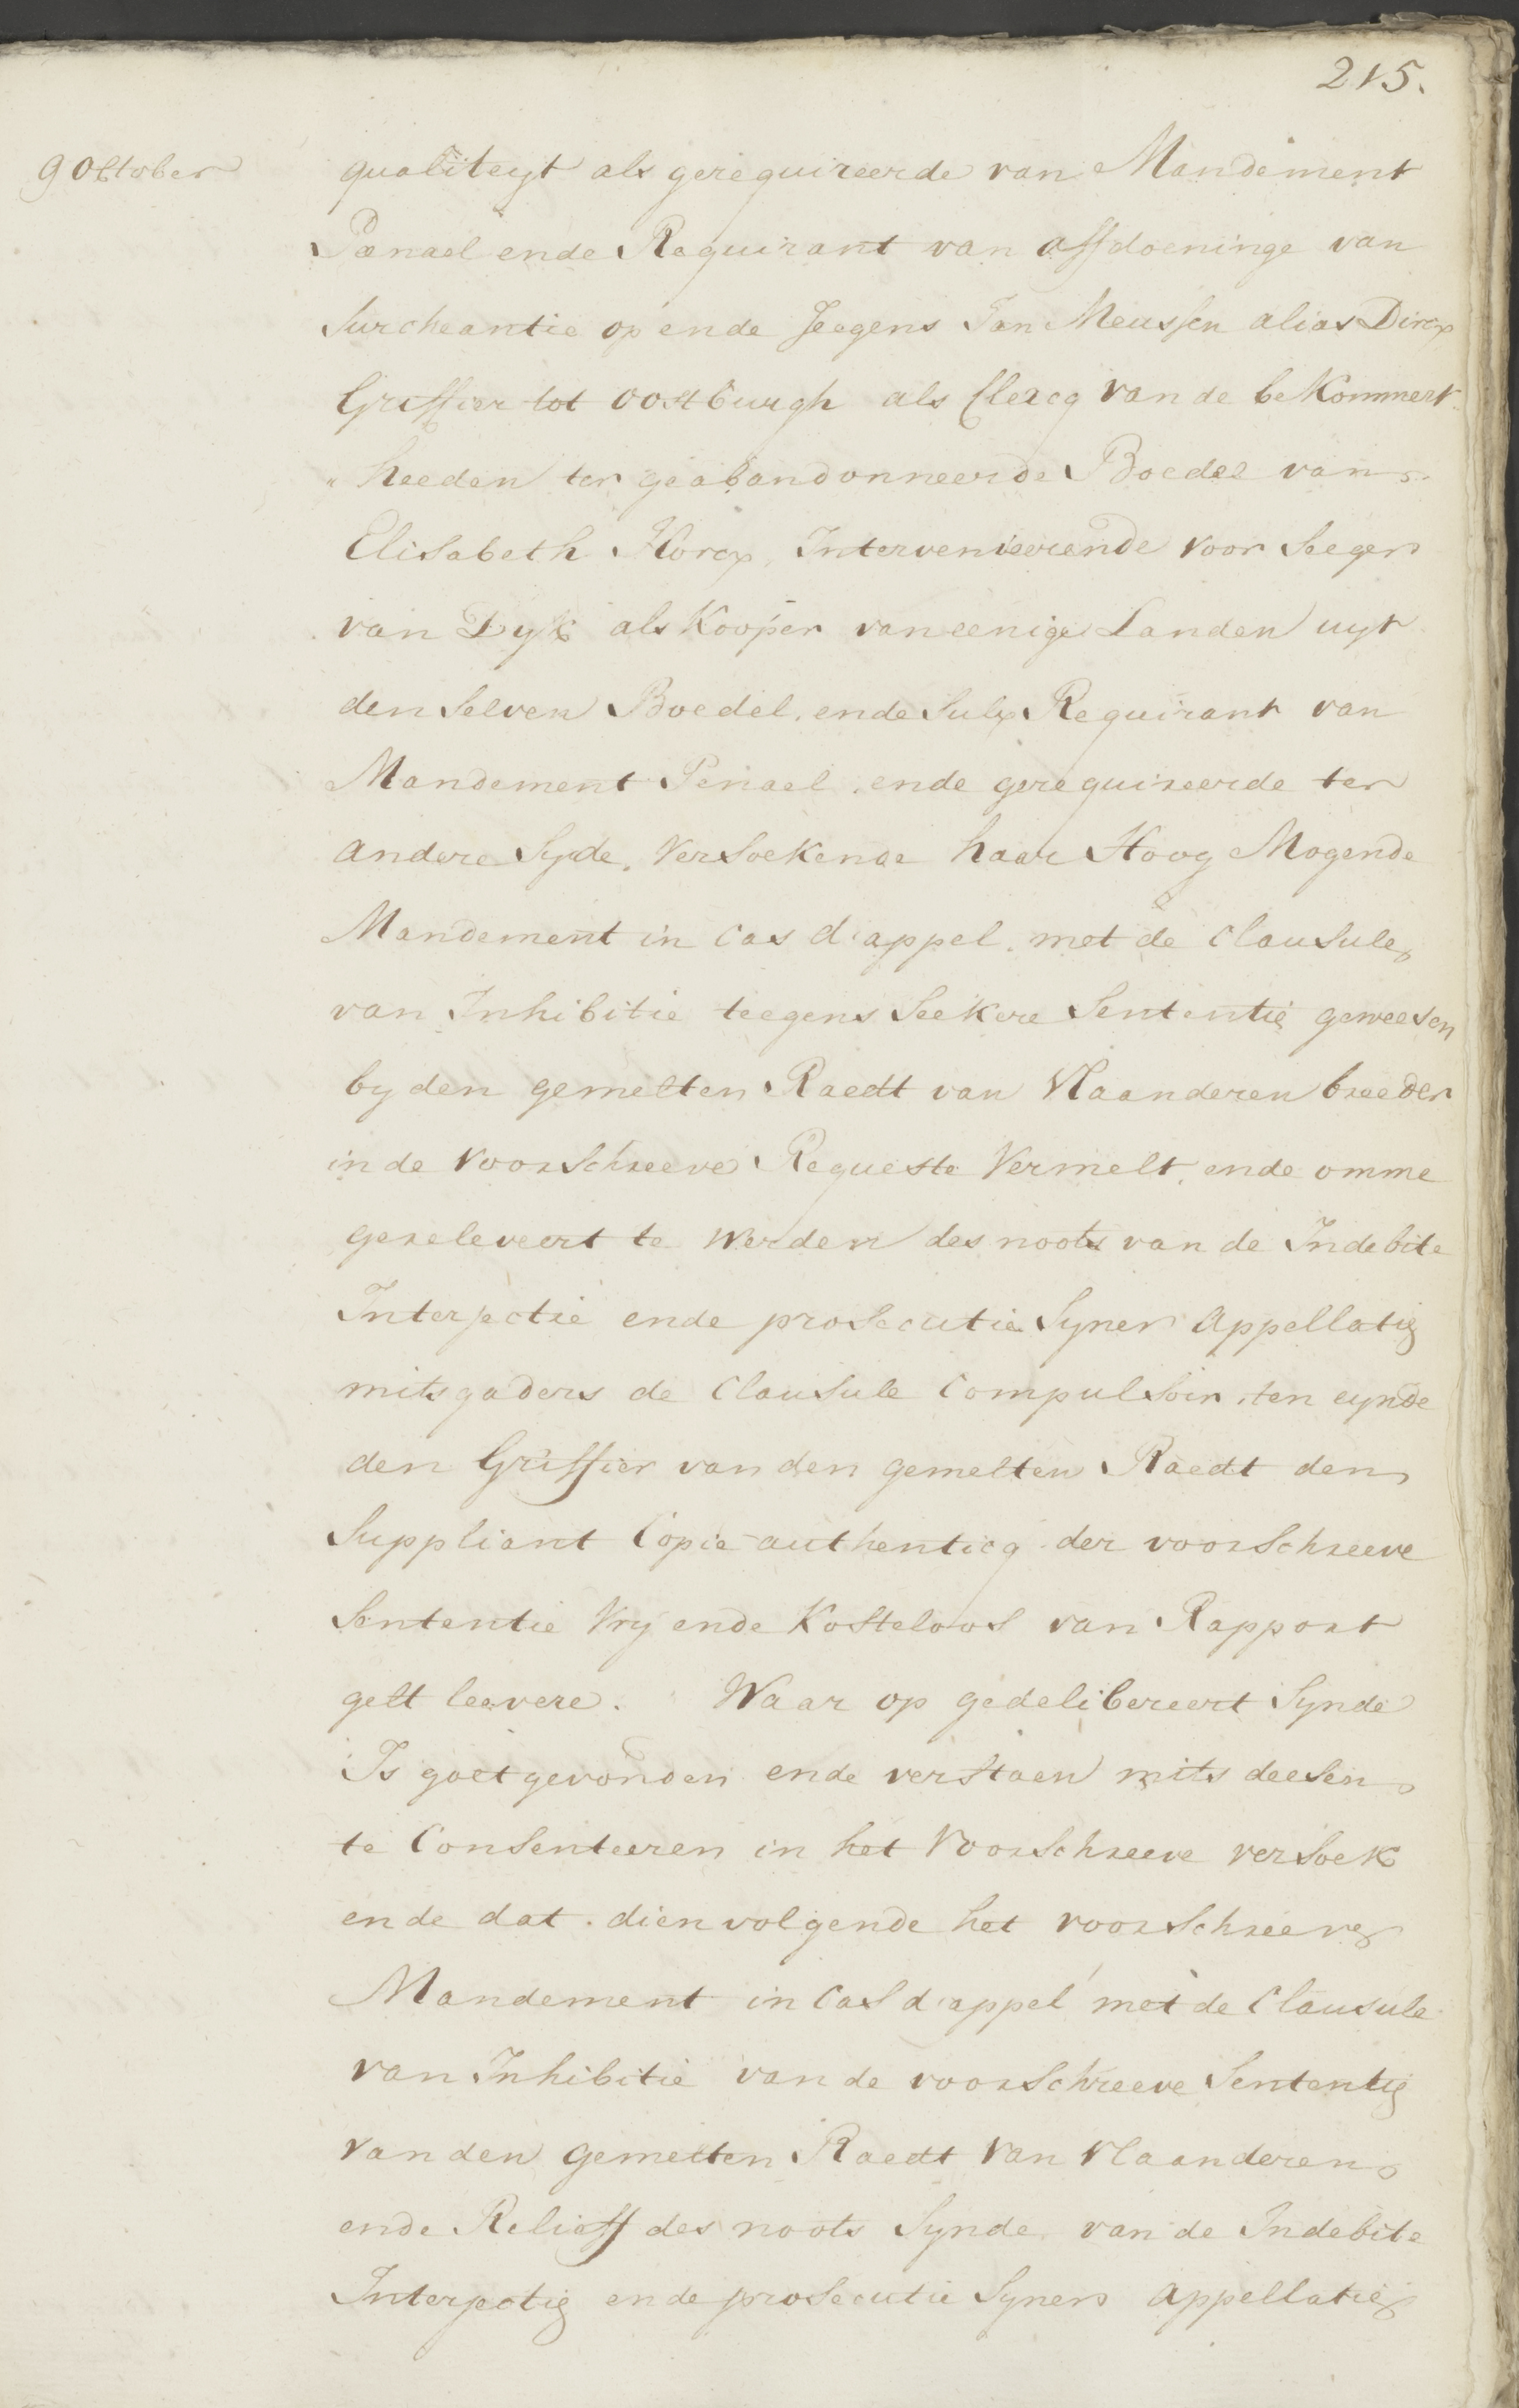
215.
9 october
qualiteyt als gerequireerde van Mandement
Peenael ende Requirant van affdoeninge van
surcheantie op ende Jeegens Jan Meussen alias Dircx
Griffier tot oostburgh als clercq van de bekommert
„heeden ter geabandonneerde Boedel van
Elisabeth Horcx, Intervenieerende voor seeger
van Dyk als Kooper van eenige Landen uyt
den selven Boedel, ende sulx Requirant van
Mandement Penael, ende gerequireerde ter
andere syde, versoekende haar Hoog Mogende
Mandement in cas d'appel, met de clausule
van Inhibitie teegens seekere sententie geweesen
by den gemelten Raedt van Vlaanderen breeder
in de voorschreeve Requeste Vermelt, ende omme
gereleveert te werden des noots van de Indebite
Interjectie ende prosecutie syner appellatie
mitsgaders de clausule compulsoir, ten eynde
den Griffier van den gemelten Raedt den
suppliant copie authenticq der voorschreeve
sententie vry ende Kosteloos van Rapport
gelt leevere. Waar op gedelibereert synde
Is goetgevonden ende verstaen mits deesen
te consenteeren in het voorschreeve versoek
ende dat dien volgende het voorschreeve
Mandement in cas d'appel met de clausule
van Inhibitie van de voorschreeve sententie
van den gemelten Raedt van Vlaanderen
ende Relieff des noots synde van de Indebite
Interjectie en de prosecutie synen Appellatie
